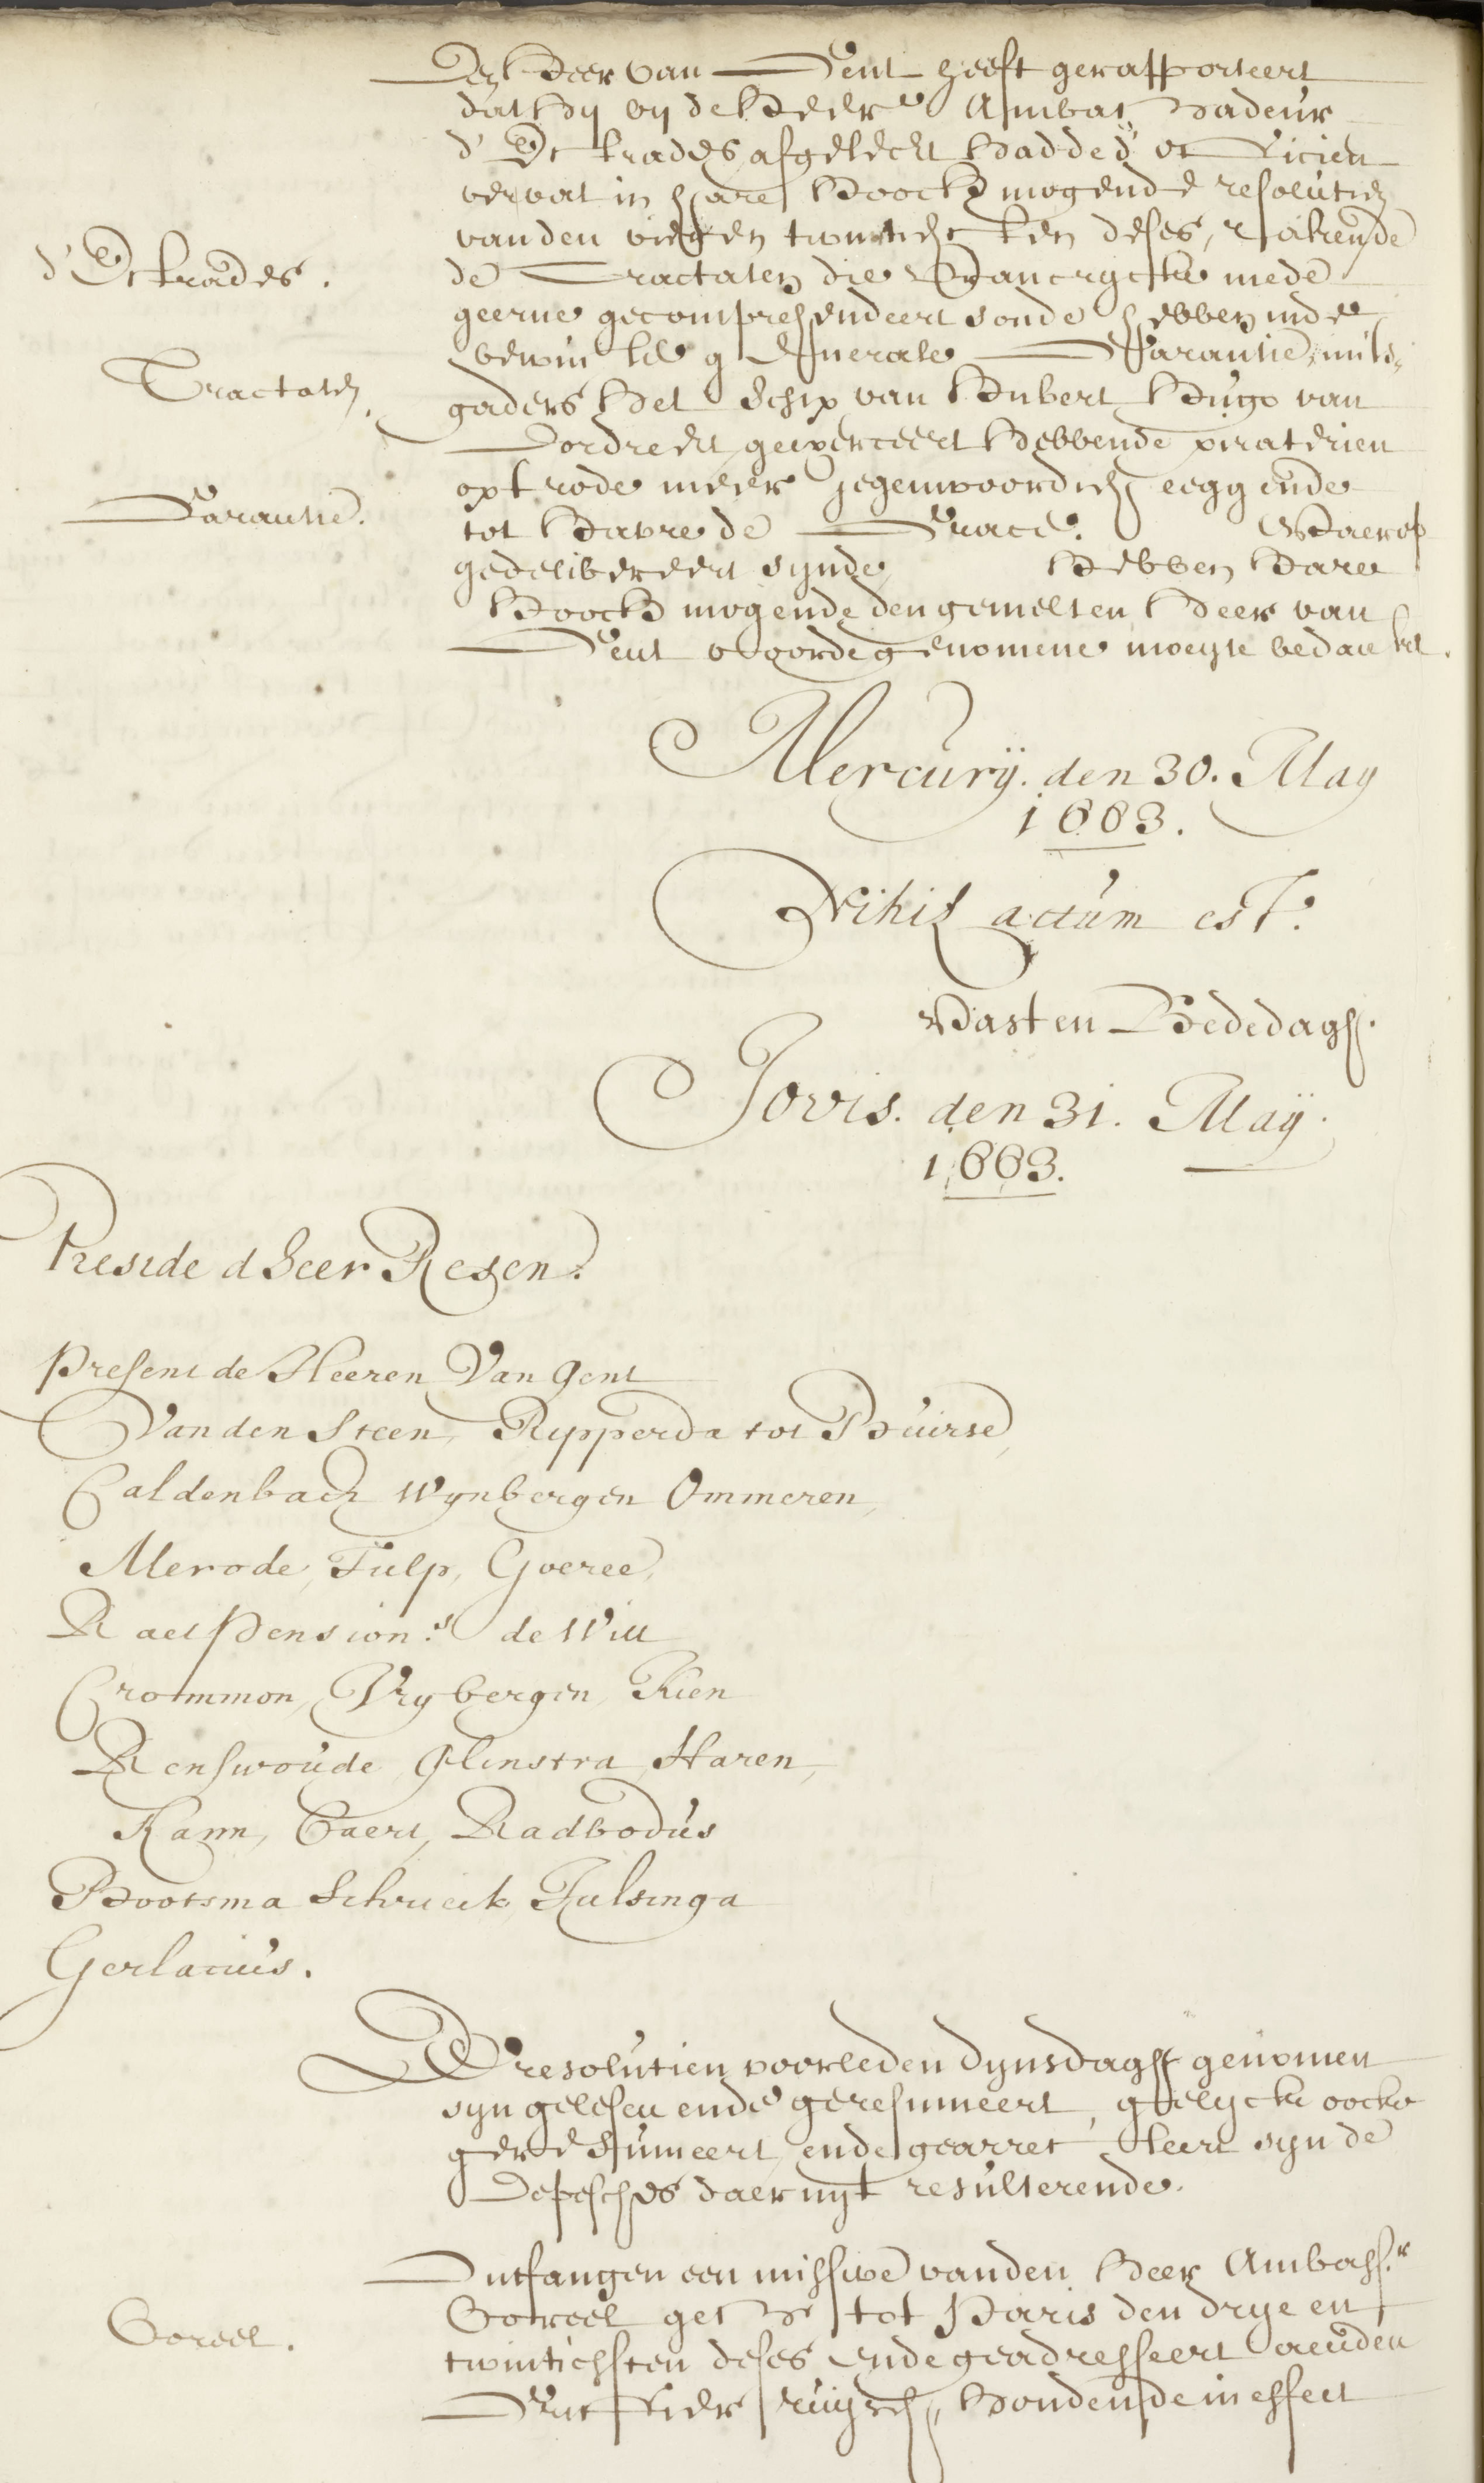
D'Estrades
Tractaten
Garantie
Den heer van Gent heeft gerapporteert
dat hij bij de heer Ambassadeur
d'Estrades afgelecht hadde d'officien
vervat in hare Hooch Mogende resolutien
van den vier en twintichsten deses, rakende
de Tractaten die Vrancrijck mede
geerne gecomprehendeert soude hebben inde
bewuste generale Garantie, mits„
gaders het schip van Hubert Hugo van
Dordrecht geexerceert hebbende piraterien
opt Rode meer jegenwoordich leggende
tot Havre de Grace. Waerop
gedelibereert sijnde, hebben hare
Hooch Mogende den gemelten heer van
Gent voorde genomene moeijte bedankt.
Mercurij den 30. May
1663.
Nihil actum est.
Vasten Bededagh
Jovis den 31. Maij
1663.
Preside d'heer Resen.
Presens de Heeren van Gent
van den Steen, Ripperda tot Buirse,
Caldenbach Wijnbergen Ommeren,
Merode, Tulp, Goeree,
Raetpensions de Witt
Crommon, Vrijbergen, Kien,
Renswoude, Glinstra, Haren,
Kann, Caert, Radbodus,
Bootsma, Schrieck, Julsinga,
Gerlacius.
Dresolutien voorleden dijnsdagh genomen
sijn gelesen ende geresumeert, gelijck oock
geresumeert ende gearresteert sijn de
depesches daeruijt resulterende.
Boreel
Ontfangen een missive vanden heer Ambassr
Boreel gesr tot Paris den drije en
twintichsten deses ende geadresseert aenden
Griffier ruysch, houdende in effect
